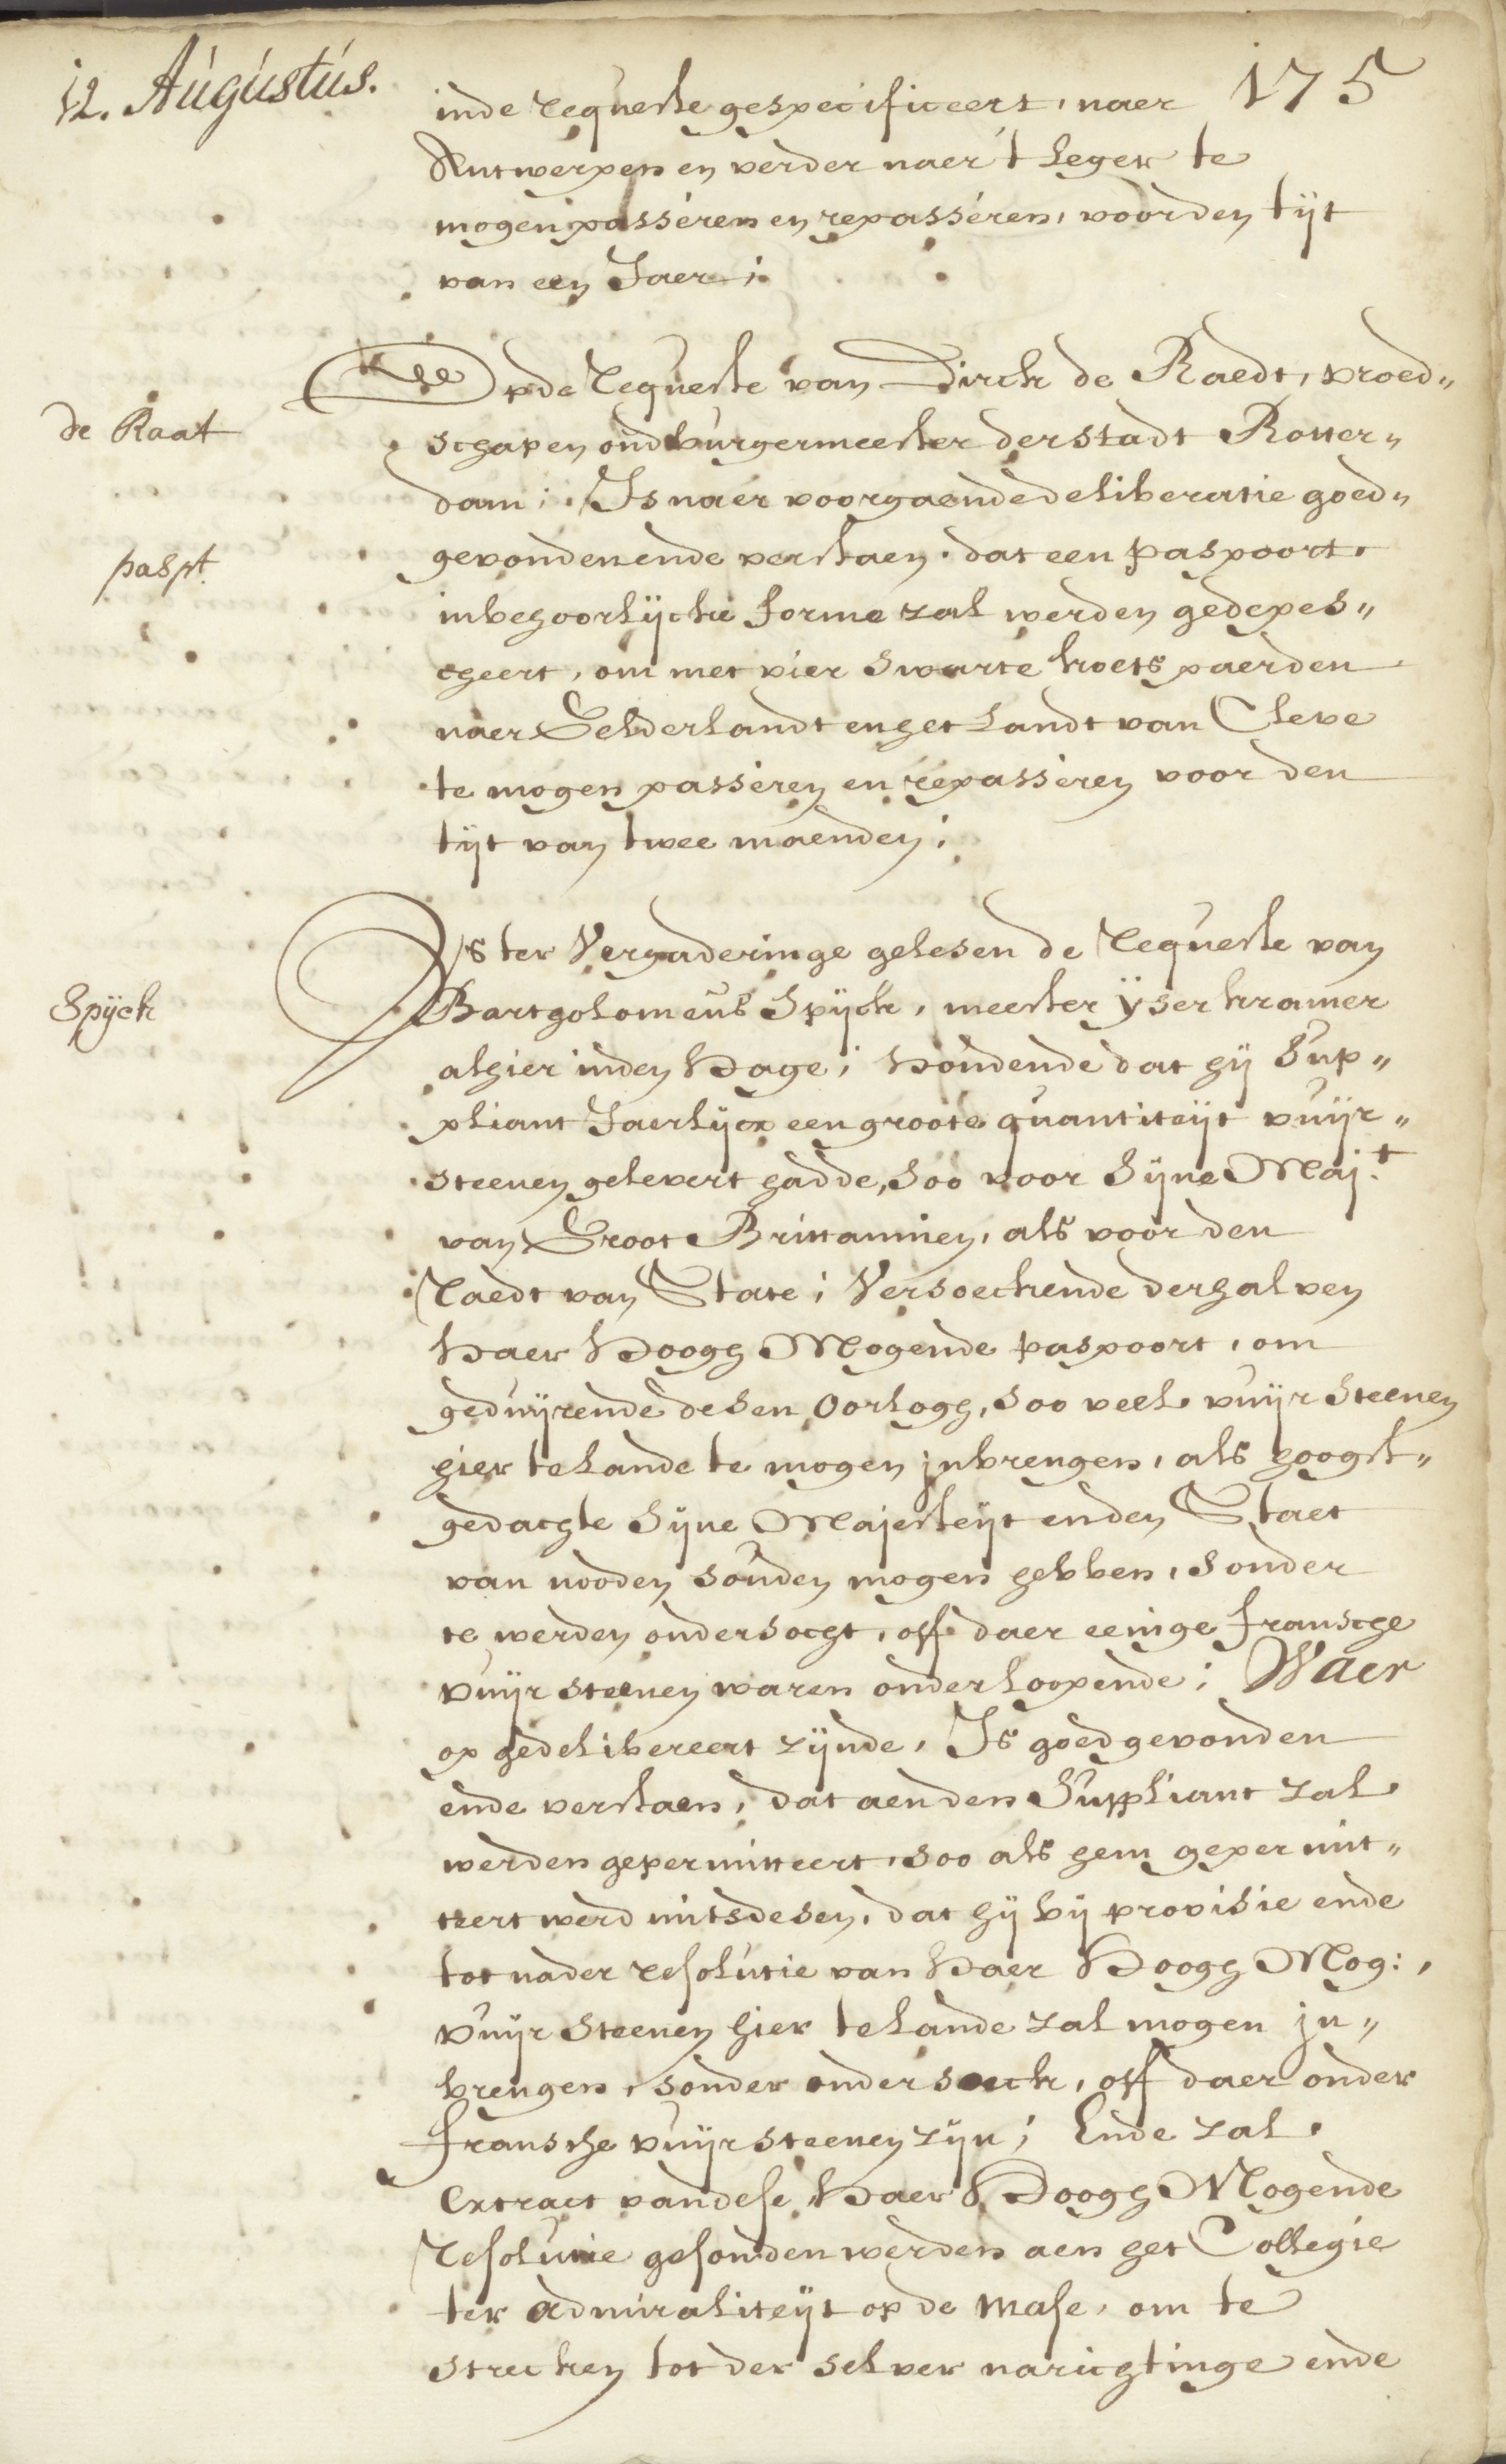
175
12. Augustus.
inde requeste gespecificeert, naer
Antwerpen en verder naer ‛t leger te
mogen passéren en repasséren, voor den tijt
van een Jaer;
de Raat
paspt.
Opde Requeste van Dirck de Raedt, vroed„
schap en oud burgermeester der stadt Rotter„
dam; Is naer voorgaende deliberatie goed„
gevonden ende verstaen, dat een paspoort,
in behoorlijcke forme zal werden gedepes„
cheert, om met vier Swarte koets paerden
naer Gelderlandt en het landt van Cleve
te mogen passéren en repasséren voor den
tijt van twee maenden:
Spijck
Is ter Vergaderinge gelesen de Requeste van
Bartholomeus Spijck, meester ijserkramer
alhier inden Hage; houdende dat hij Sup„
pliant Jaerlijcx een groote quantiteijt vuijr„
steenen gelevert hadde, soo voor Sijne Majt.
van Groot Brittannien, als voor den
Raedt van State; Versoeckende derhalven
Haer Hoogh Mogende paspoort, om
geduijrende desen Oorlogh, soo veel vuijrsteenen
hier te lande te mogen inbrengen, als hoogst„
gedachte Sijne Majesteijt en den Staet
van nooden souden mogen hebben, sonder
te werden ondersocht, off daer eenige fransche
vuijrsteenen waren onderloopende; Waer
op gedelibereert zijnde, Is goedgevonden
ende verstaen, dat aen den Suppliant zal
werden gepermitteert, soo als hem gepermit„
teert werd mitsdesen, dat hij bij provisie ende
tot nader resolutie van Haer Hoogh Mog:,
vuijrsteenen hier te lande zal mogen in„
brengen, sonder ondersoeck, off daer onder
fransche vuijrsteenen zijn; Ende zal
extract van dese Haer Hoogh Mogende
Resolutie gesonden werden aen het Collegie
ter admiraliteijt op de Mase, om te
strecken tot der selver narichtinge ende
